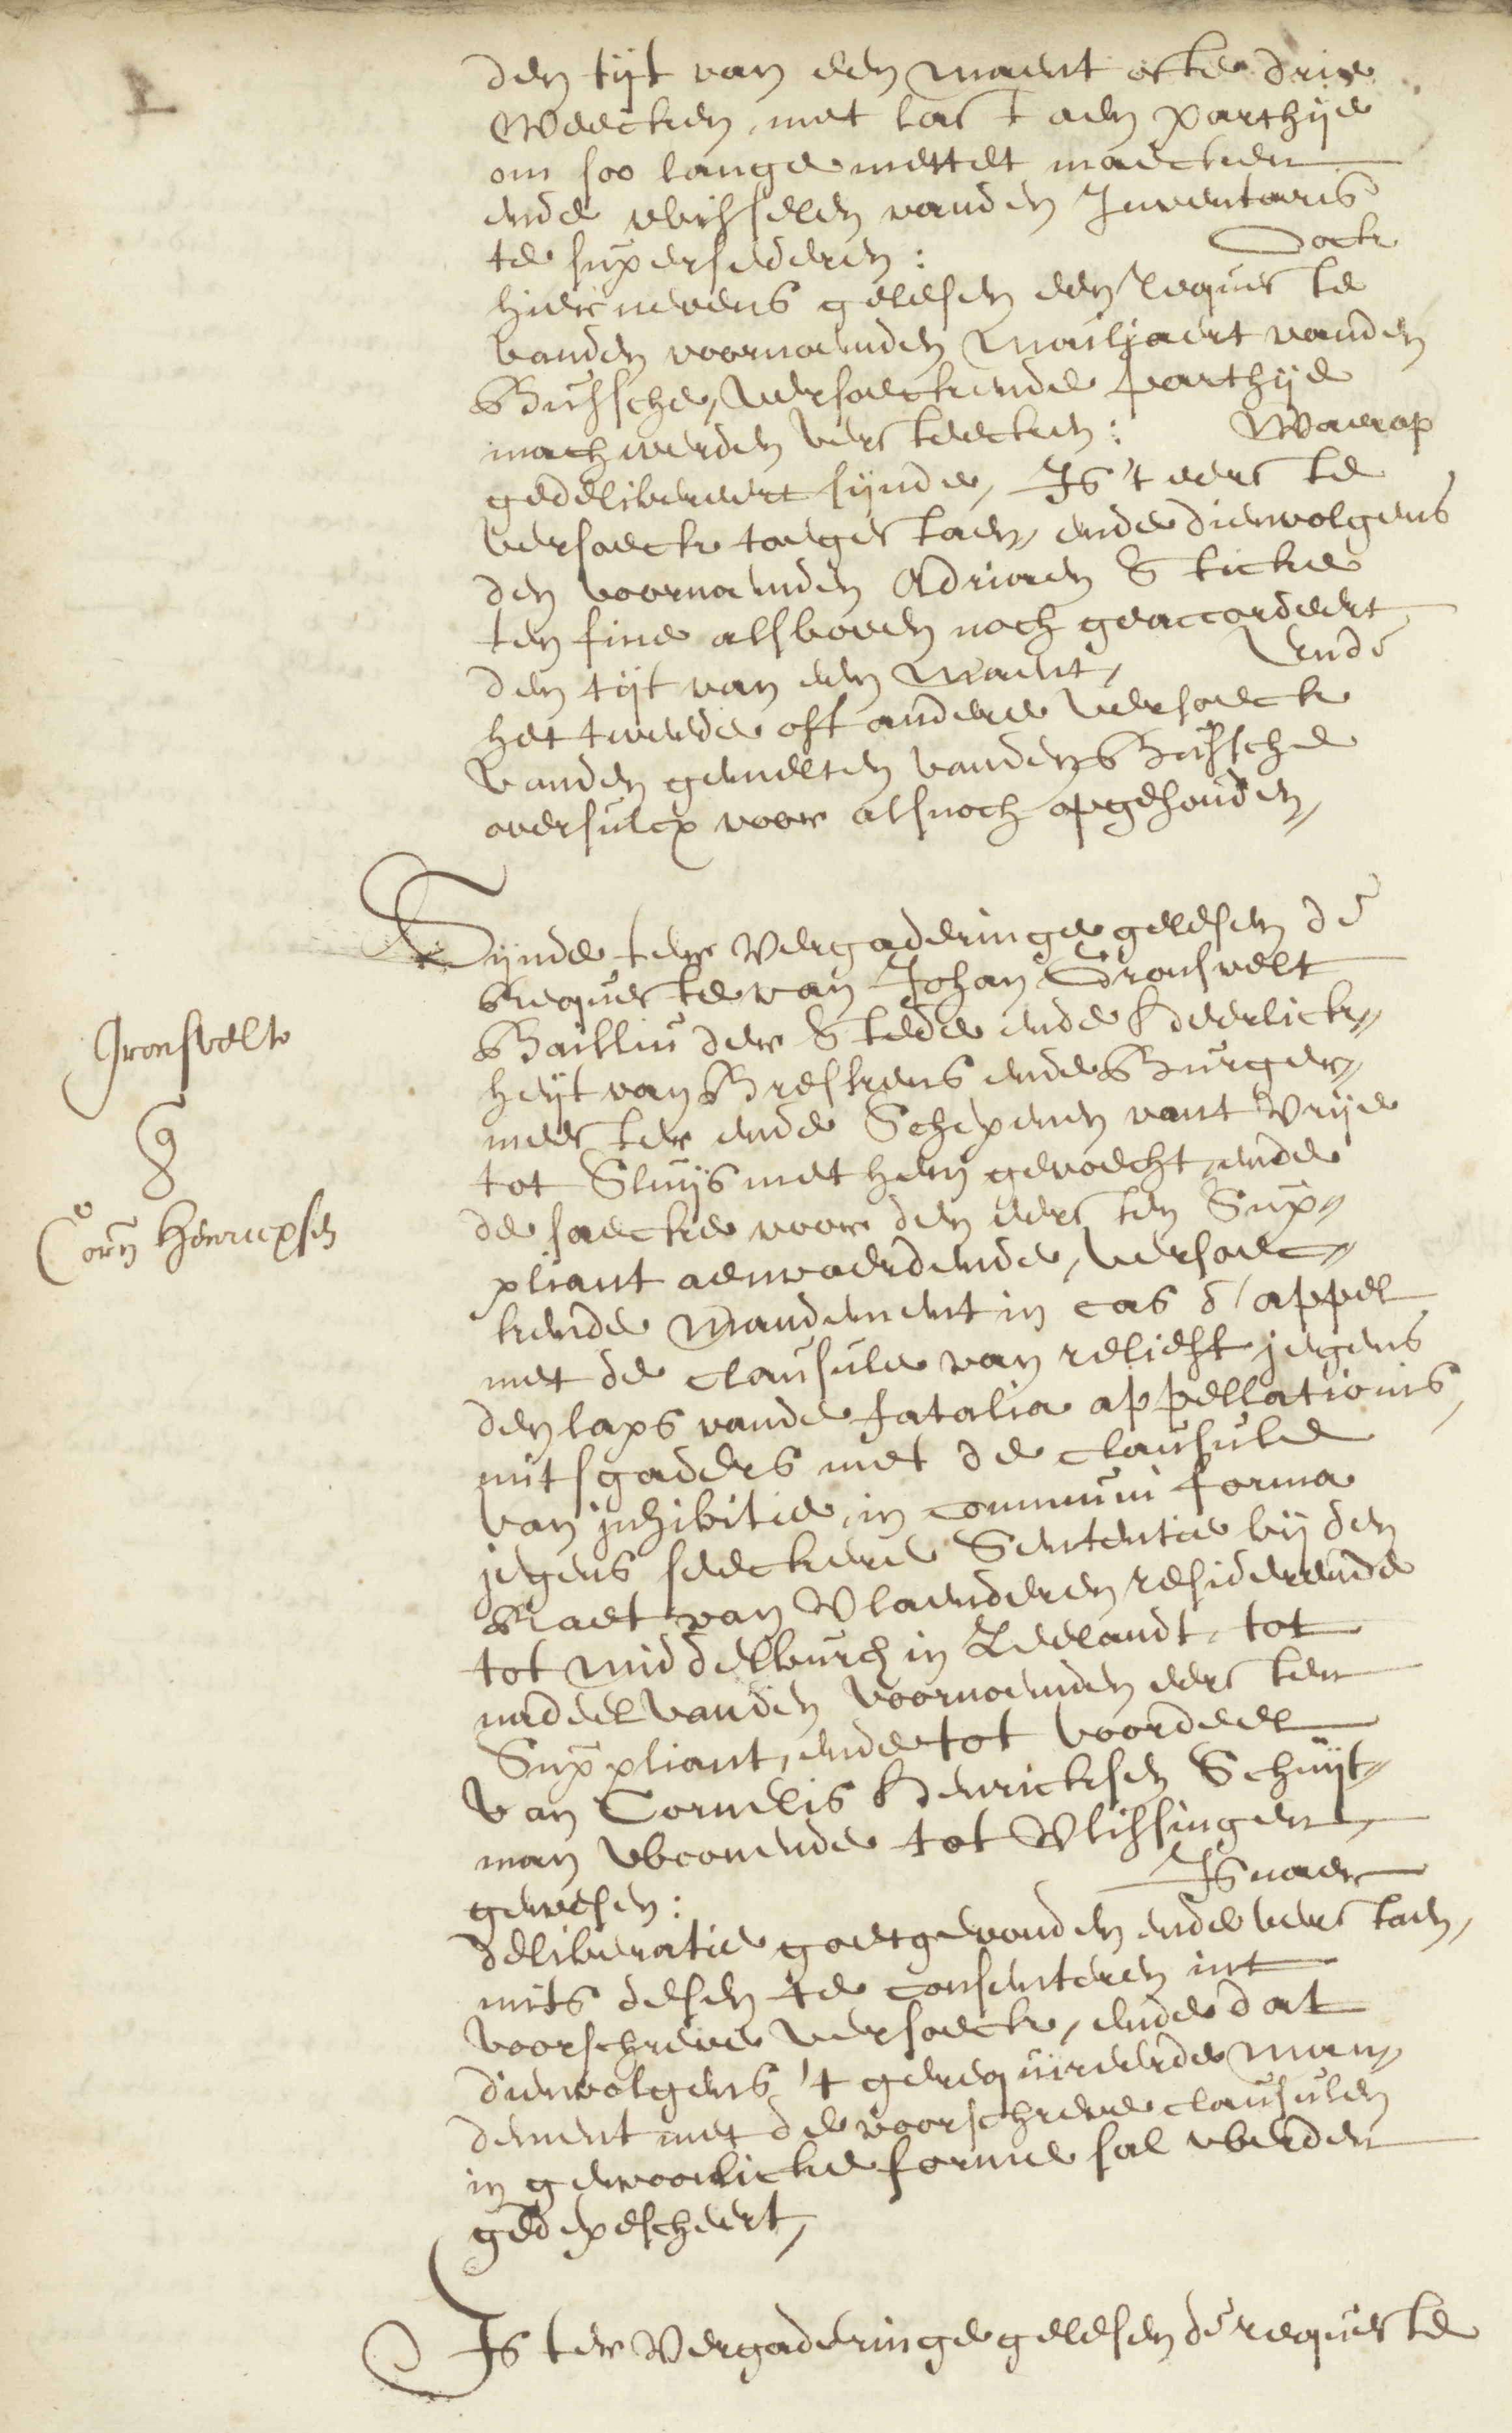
den tijt van een maent ofte drie
weecken, met last aen parthije
om soo lange mettet maecken
ende wisselen vanden Inventaris
te supersederen: Oock
hier nevens gelesen een requeste
vanden voornoemden Mailjaert vanden
Bussche, versoeckende parthije
mach werden versteecken: Waerop
gedelibereert sijnde, Is ‛t eerste
versoeck toegestaen, ende dienvolgens
den voornoemden Adriaen Sticke
ten fine, alsboven noch geaccordeert
den tijt van een maent. Ende
het tweede oft andere versoeck
vanden gemelten vanden Bussche
oversulcx voor alsnoch opgehouden.
Gronsvelt
ca
Corn Henricxsen
Sijnde ter vergaderinge gelesen de
Requeste van Johan Gronsvelt
Bailliu der Stede ende Heerlick,
heijt van Breskens ende Burger,,
meester ende Schepenen vant Vrije
tot Sluijs met hem gevoecht, ende
de saecke voor den eersten Sup„
pliant aenvaerdende, versoec„
kende mandement in cas d'appel
met de clausule van relieff jegens
den laps vande fatalia appellationis,
mitsgaders met de clausule
van inhibitie, in communi forma
jegens seeckere Sententie bij den
Raet van Vlaenderen residerende
tot Middelburch in Zeelandt, tot
nadeel vanden voornoemden eersten
Suppliant, ende tot voordeel
van Cornelis Henricksen Schuijt„
man woonende tot Vlissingen
gewesen: Is naer
deliberatie goetgevonden ende verstaen,
mits desen te consenteren int
voorschreve versoeck, ende dat
dienvolgens 't gerequireerde man,,
dement met de voorschreve clausulen
in gewoonlicke forme sal werden
gedepescheert
Is ter vergaderinge gelesen de requeste
